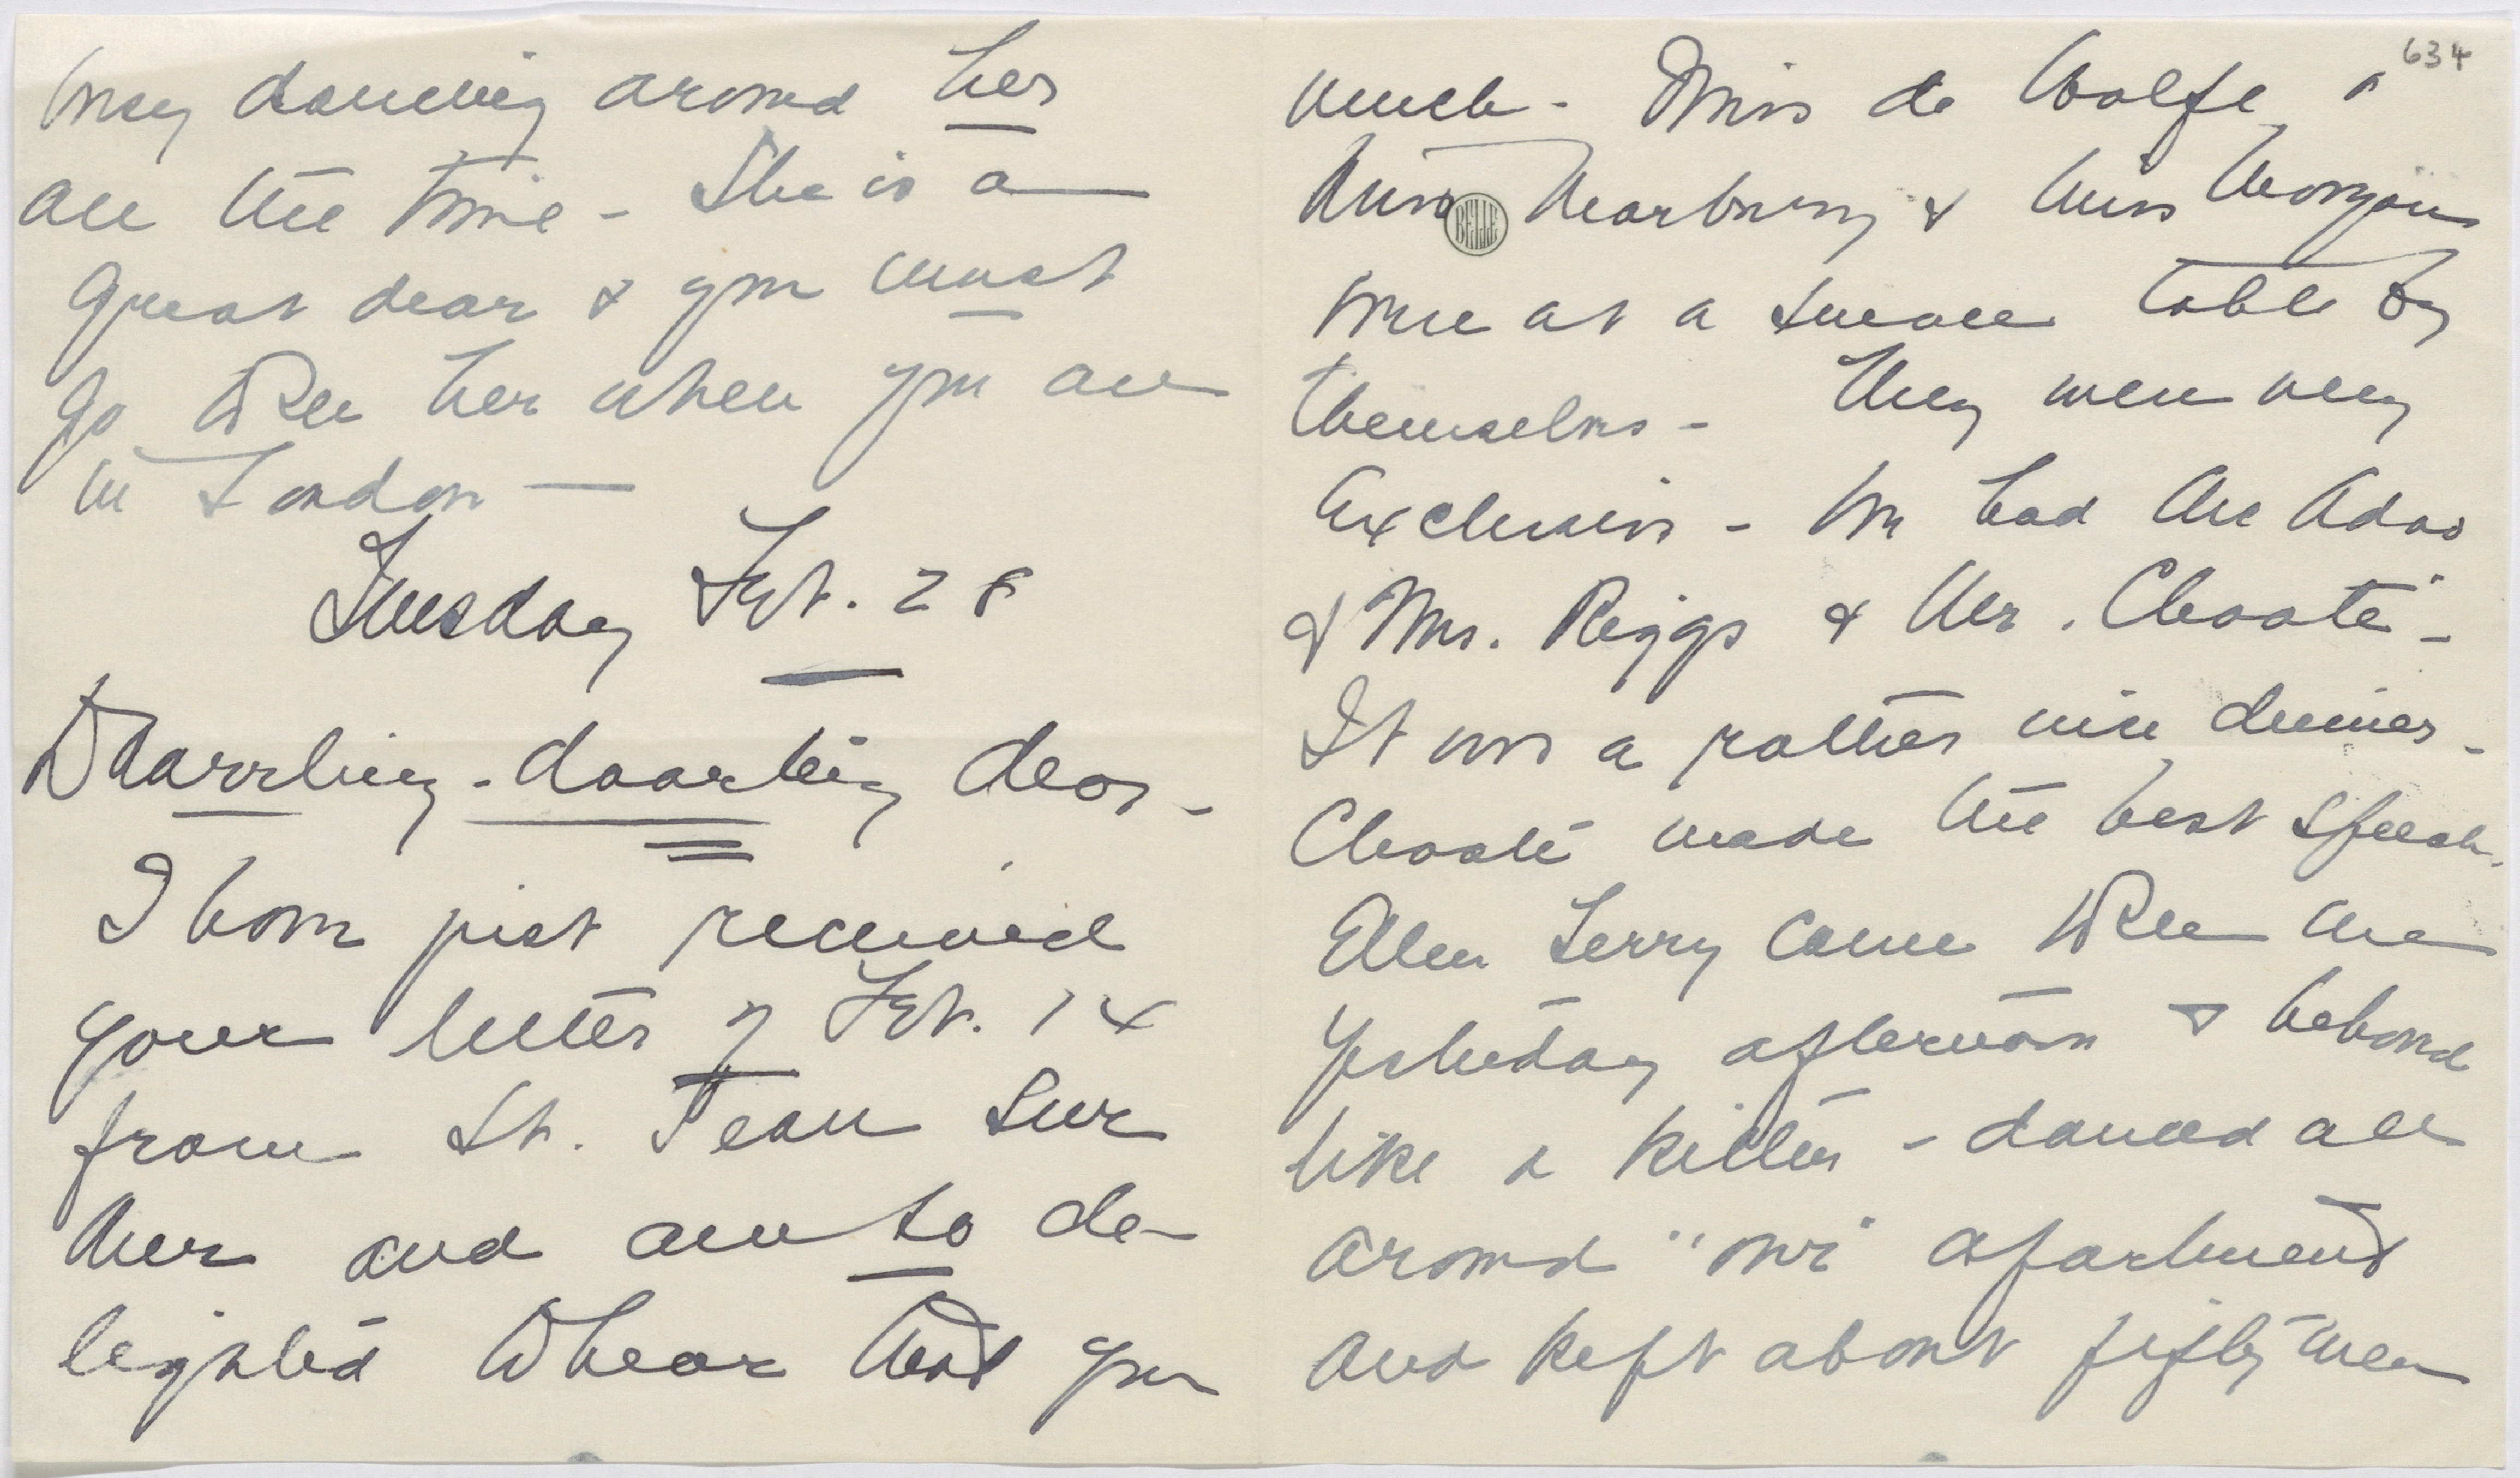much. Miss de Wolfe & Miss Marbury & Miss Morgan were at a small table by themselves – They were very exclusive – We had McAdoo & Mrs. Riggs & Mr. Choate – It was a rather nice dinner – Choate made the best speech, Ellen Terry came to see me Yesterday afternoon & behaved like a kitten – danced all around “our” apartment and kept about fifty men
busy dancing around her all the time – She is a great dear & you must go to see her when you are in London –
Tuesday Feb. 28
–
Daarrling – [triple underlined: daarling] dear –
I have just received your letter of Feb. 14 from St. Jean sur Mer and am so delighted to hear that you